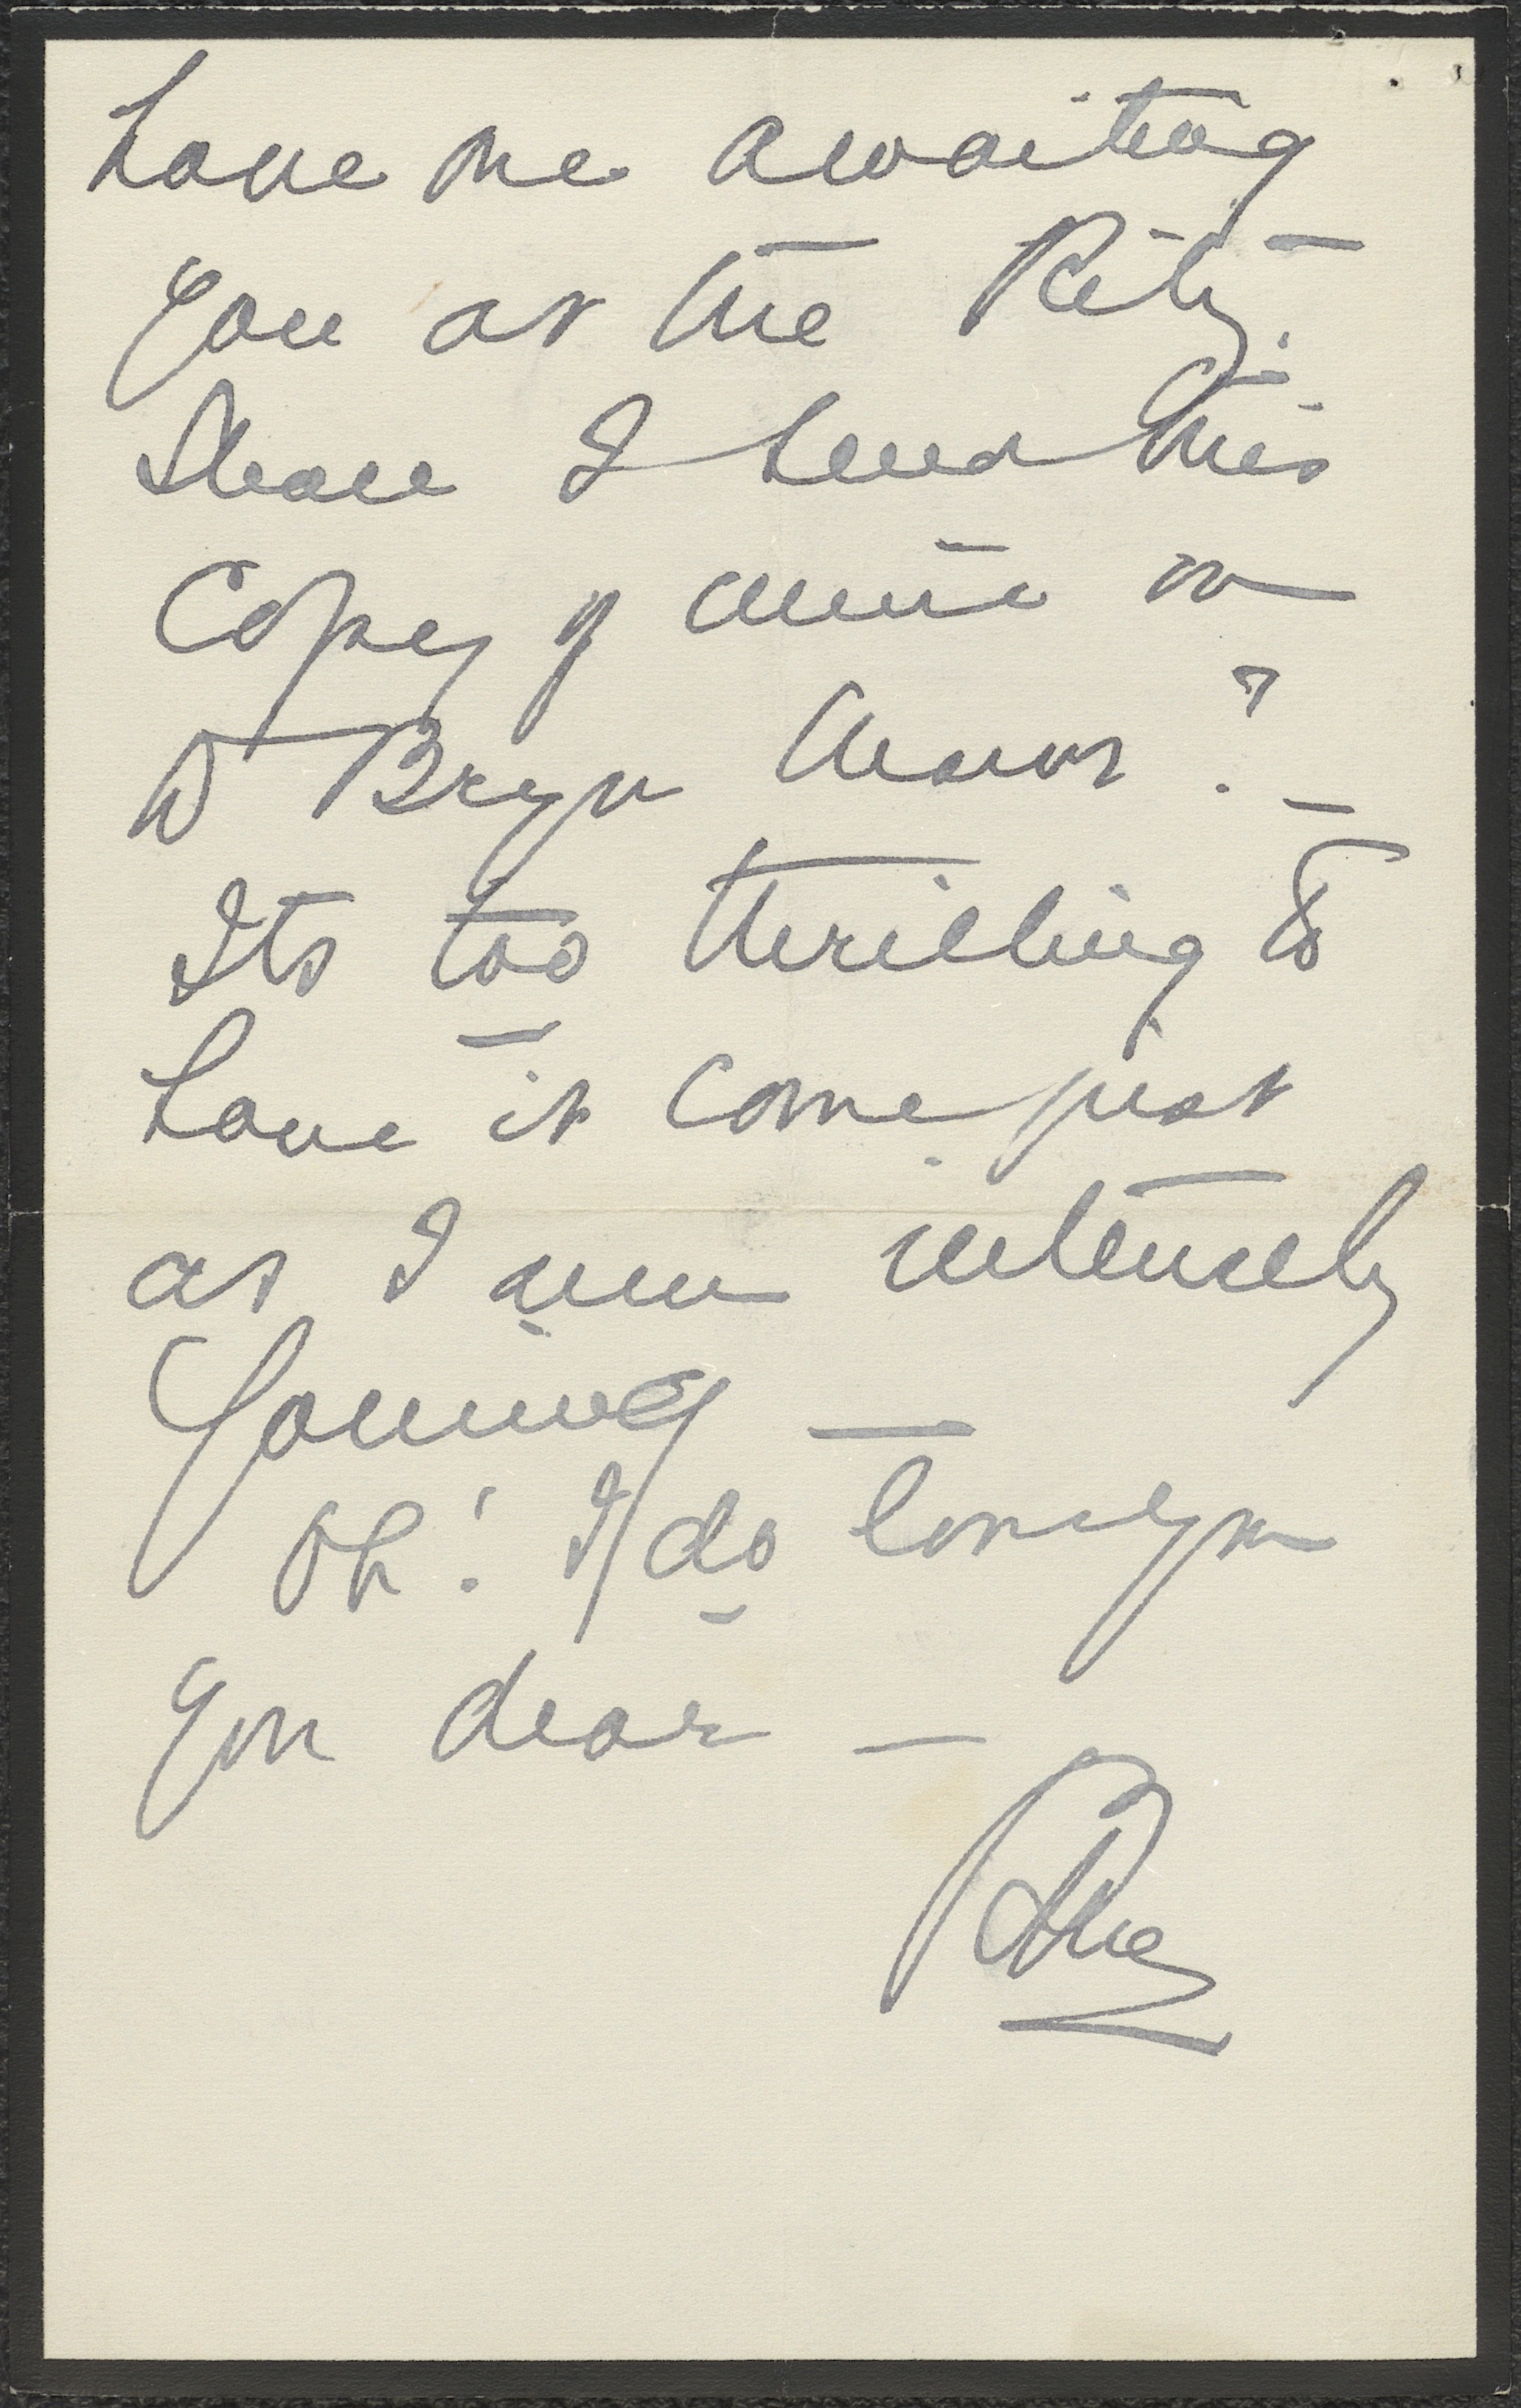have one awaiting you at the Ritz. Shall I send this copy of mine on to Bryn Mawr? – Its [sic] too thrilling to have it come just as I am intensely Youing – Oh! I do love you you dear – Belle